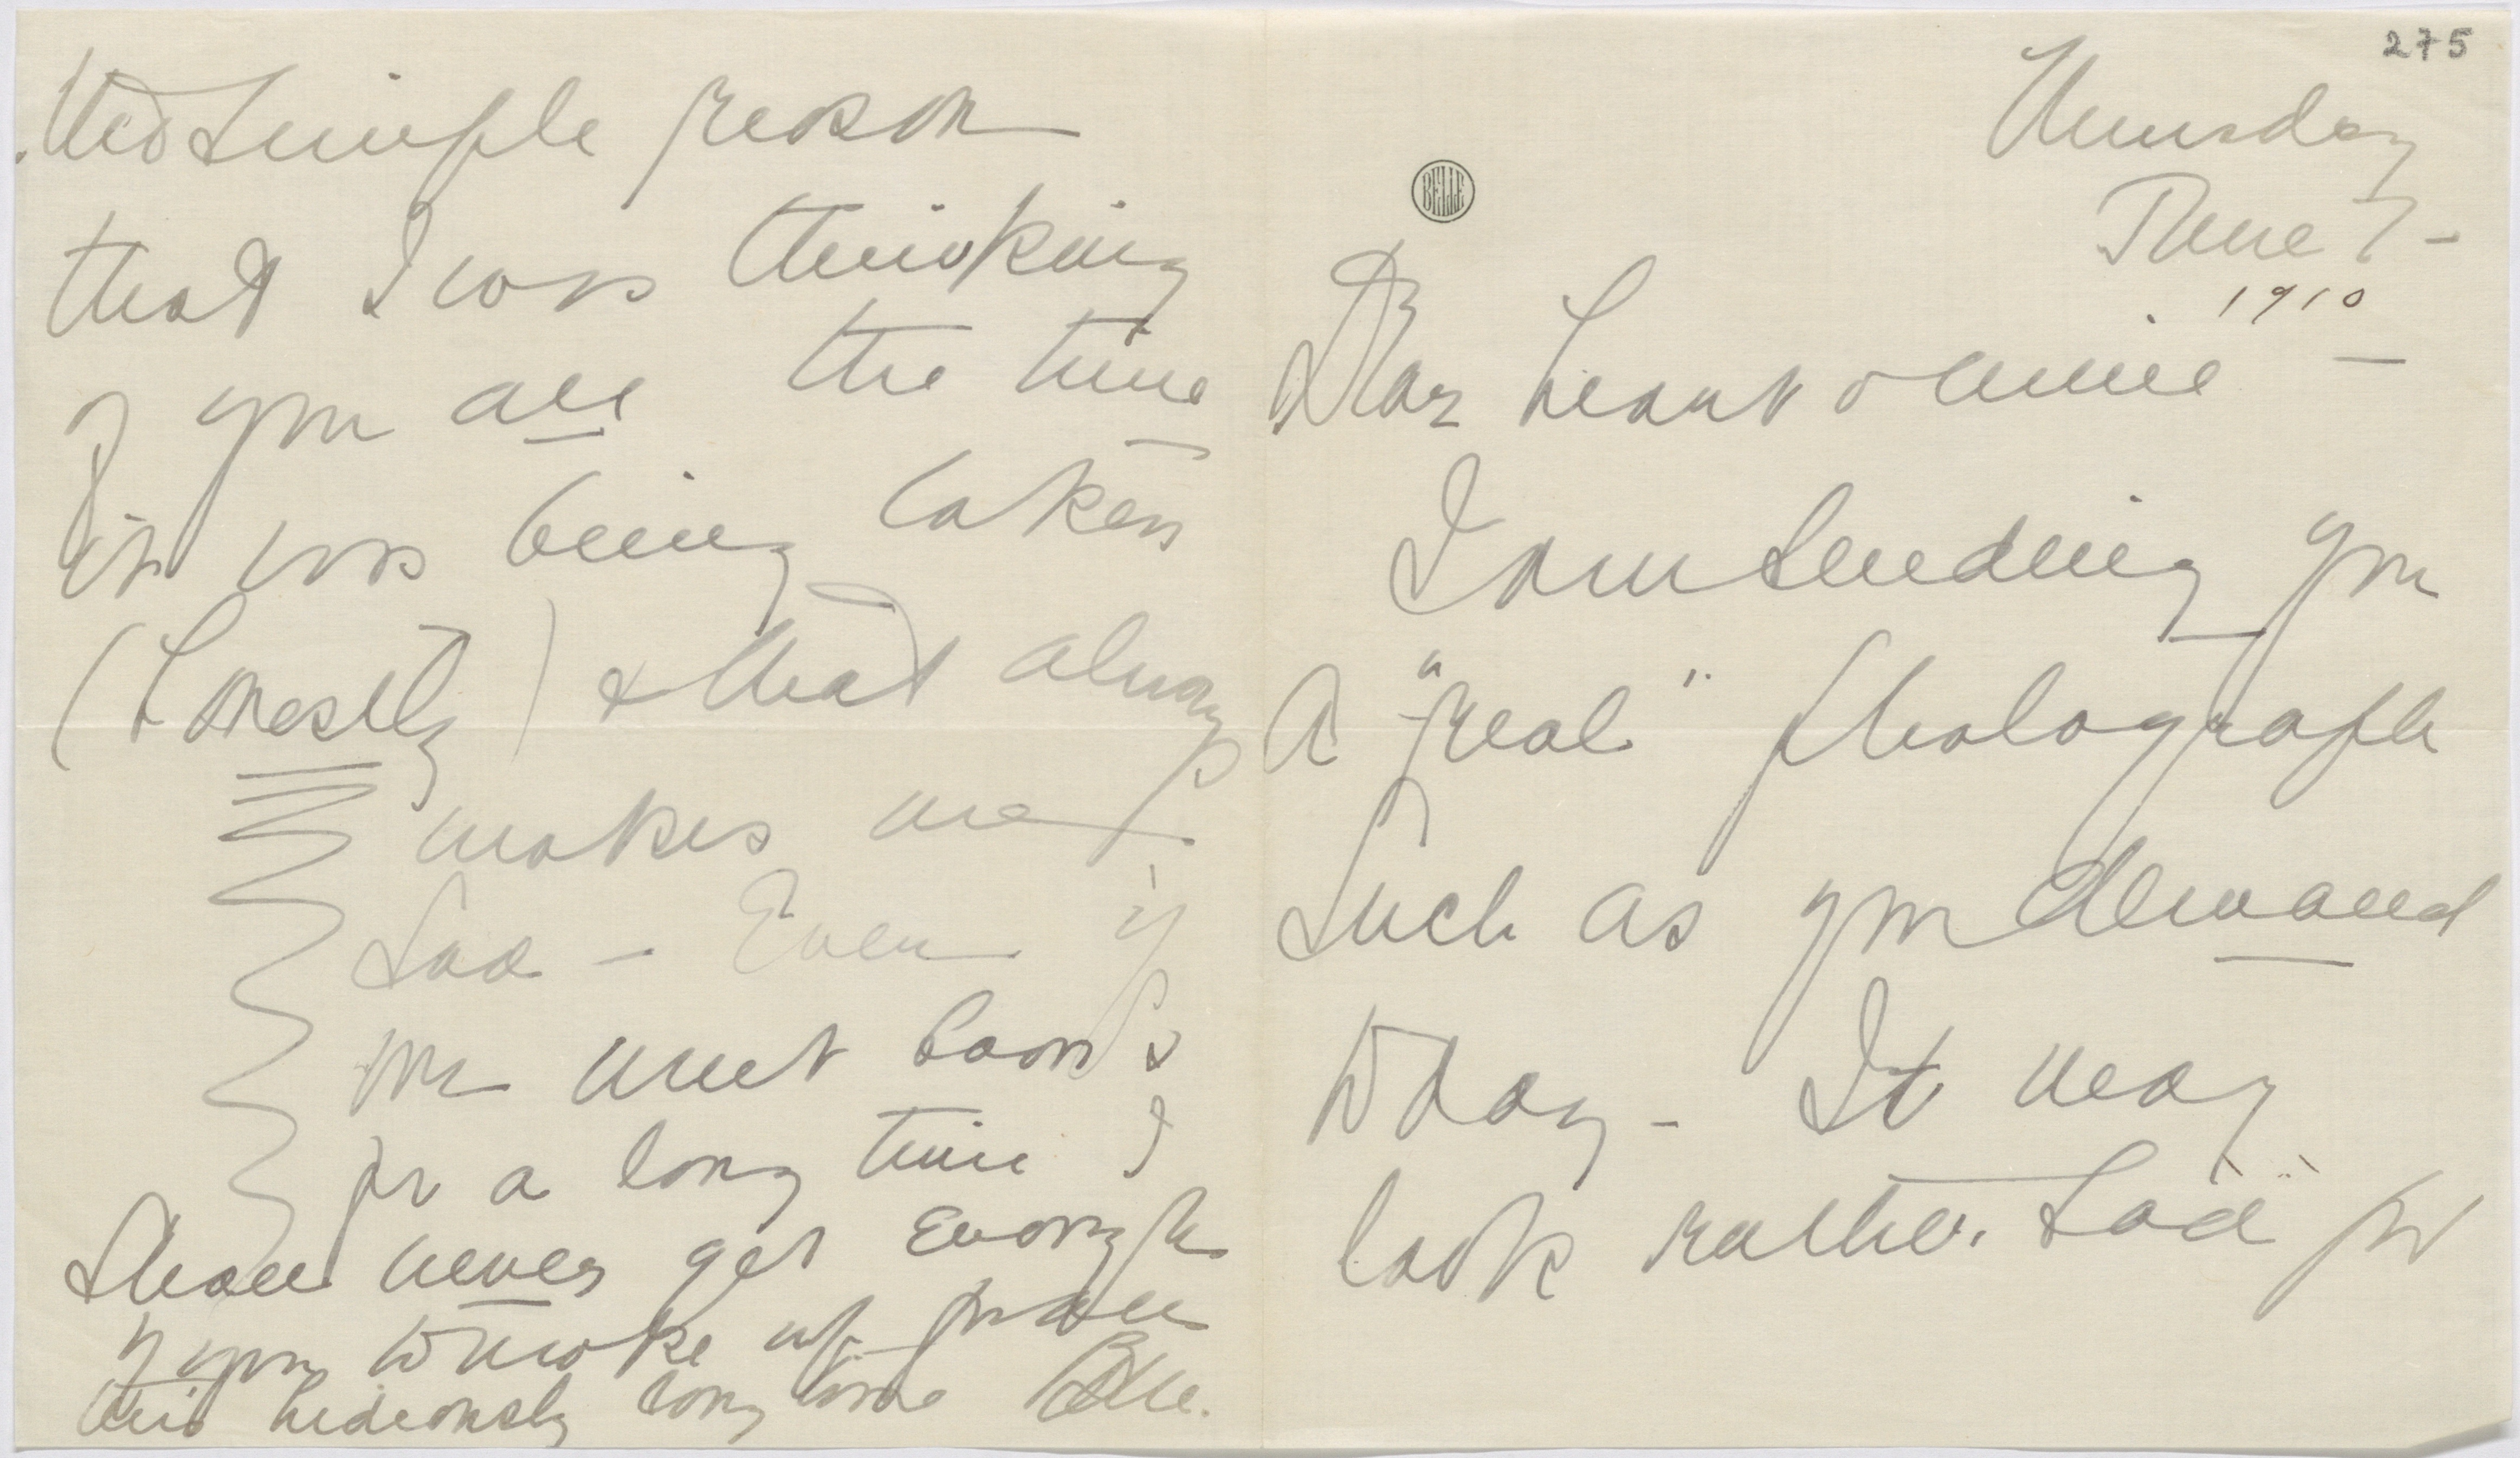Thursday
June 7 –
Dear heart o mine –
I am sending you a “real” photograph such as you demand today – It may look rather sad for
the simple reason that I was thinking of you all the time it was being taken [underlined multiple times: (honestly)] & that always makes me sad – Even if we meet soon & for a long time I shall never get enough of you to make up for all this hideously long time Belle.